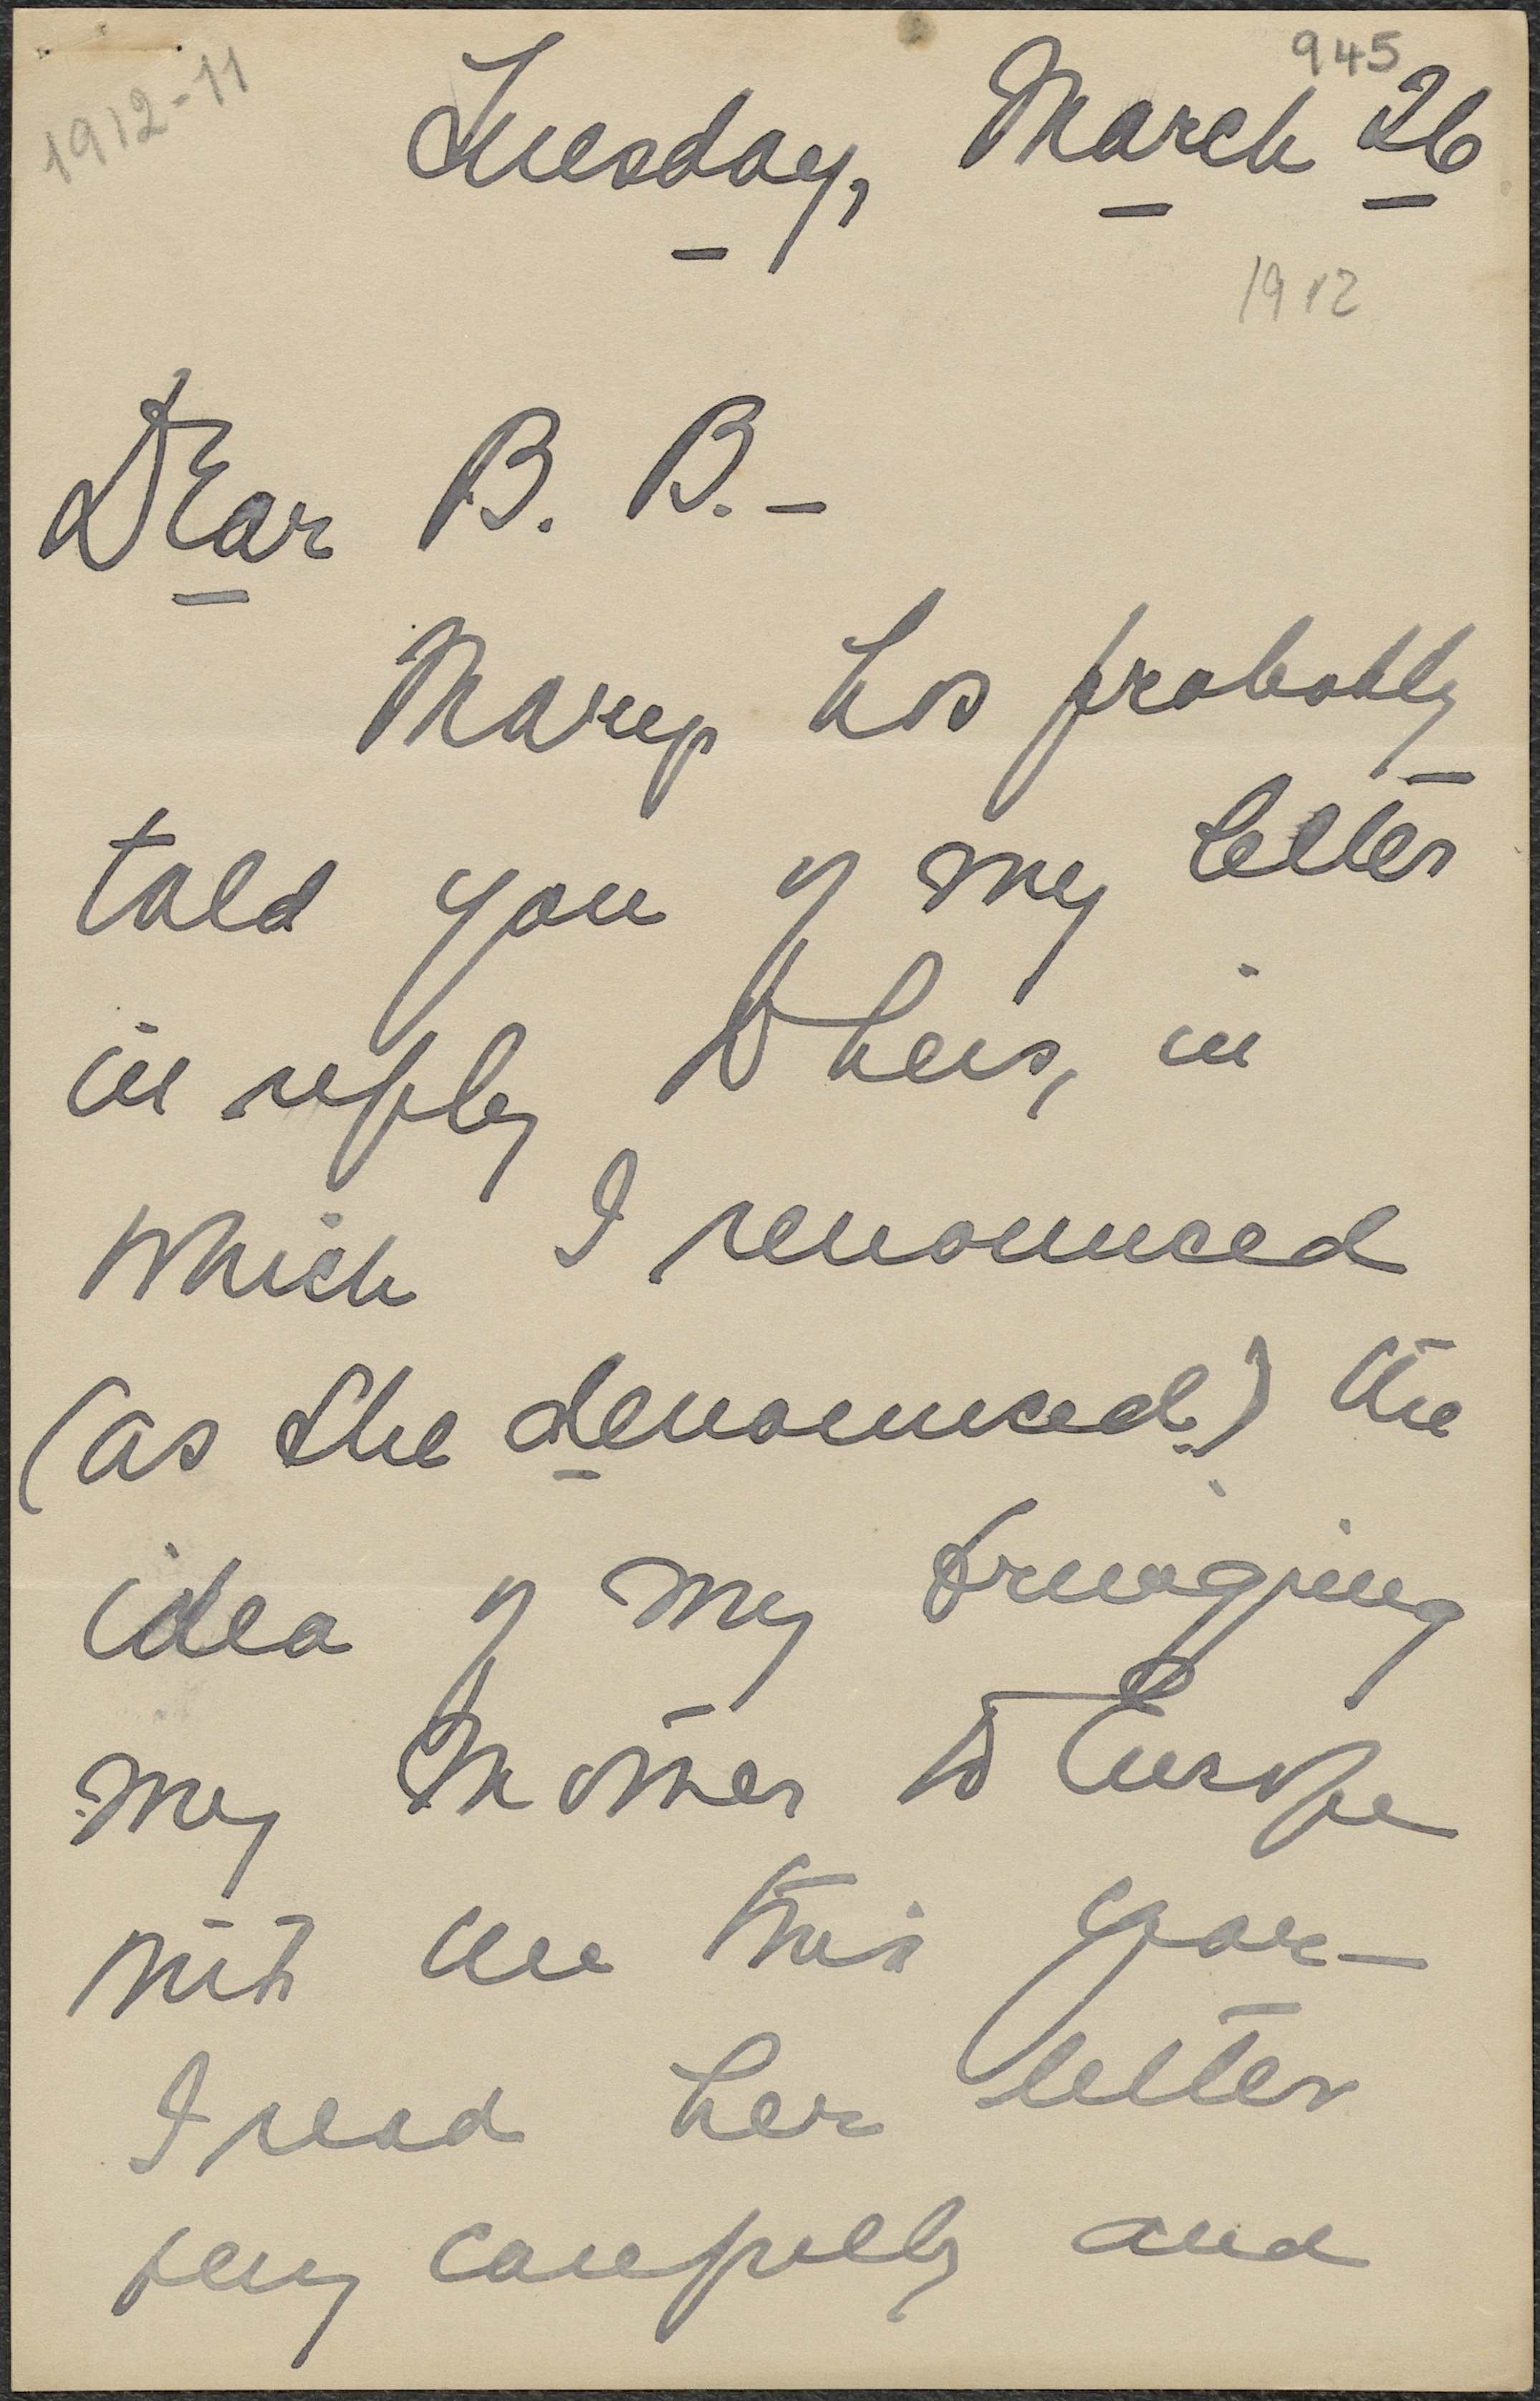Tuesday, March 26
Dear B. B. –
Mary has probably told you of my letter in reply to hers, in which I renounced (as she denounced) the idea of my bringing my Mother to Europe with me this year –
I read her letter very carefully and